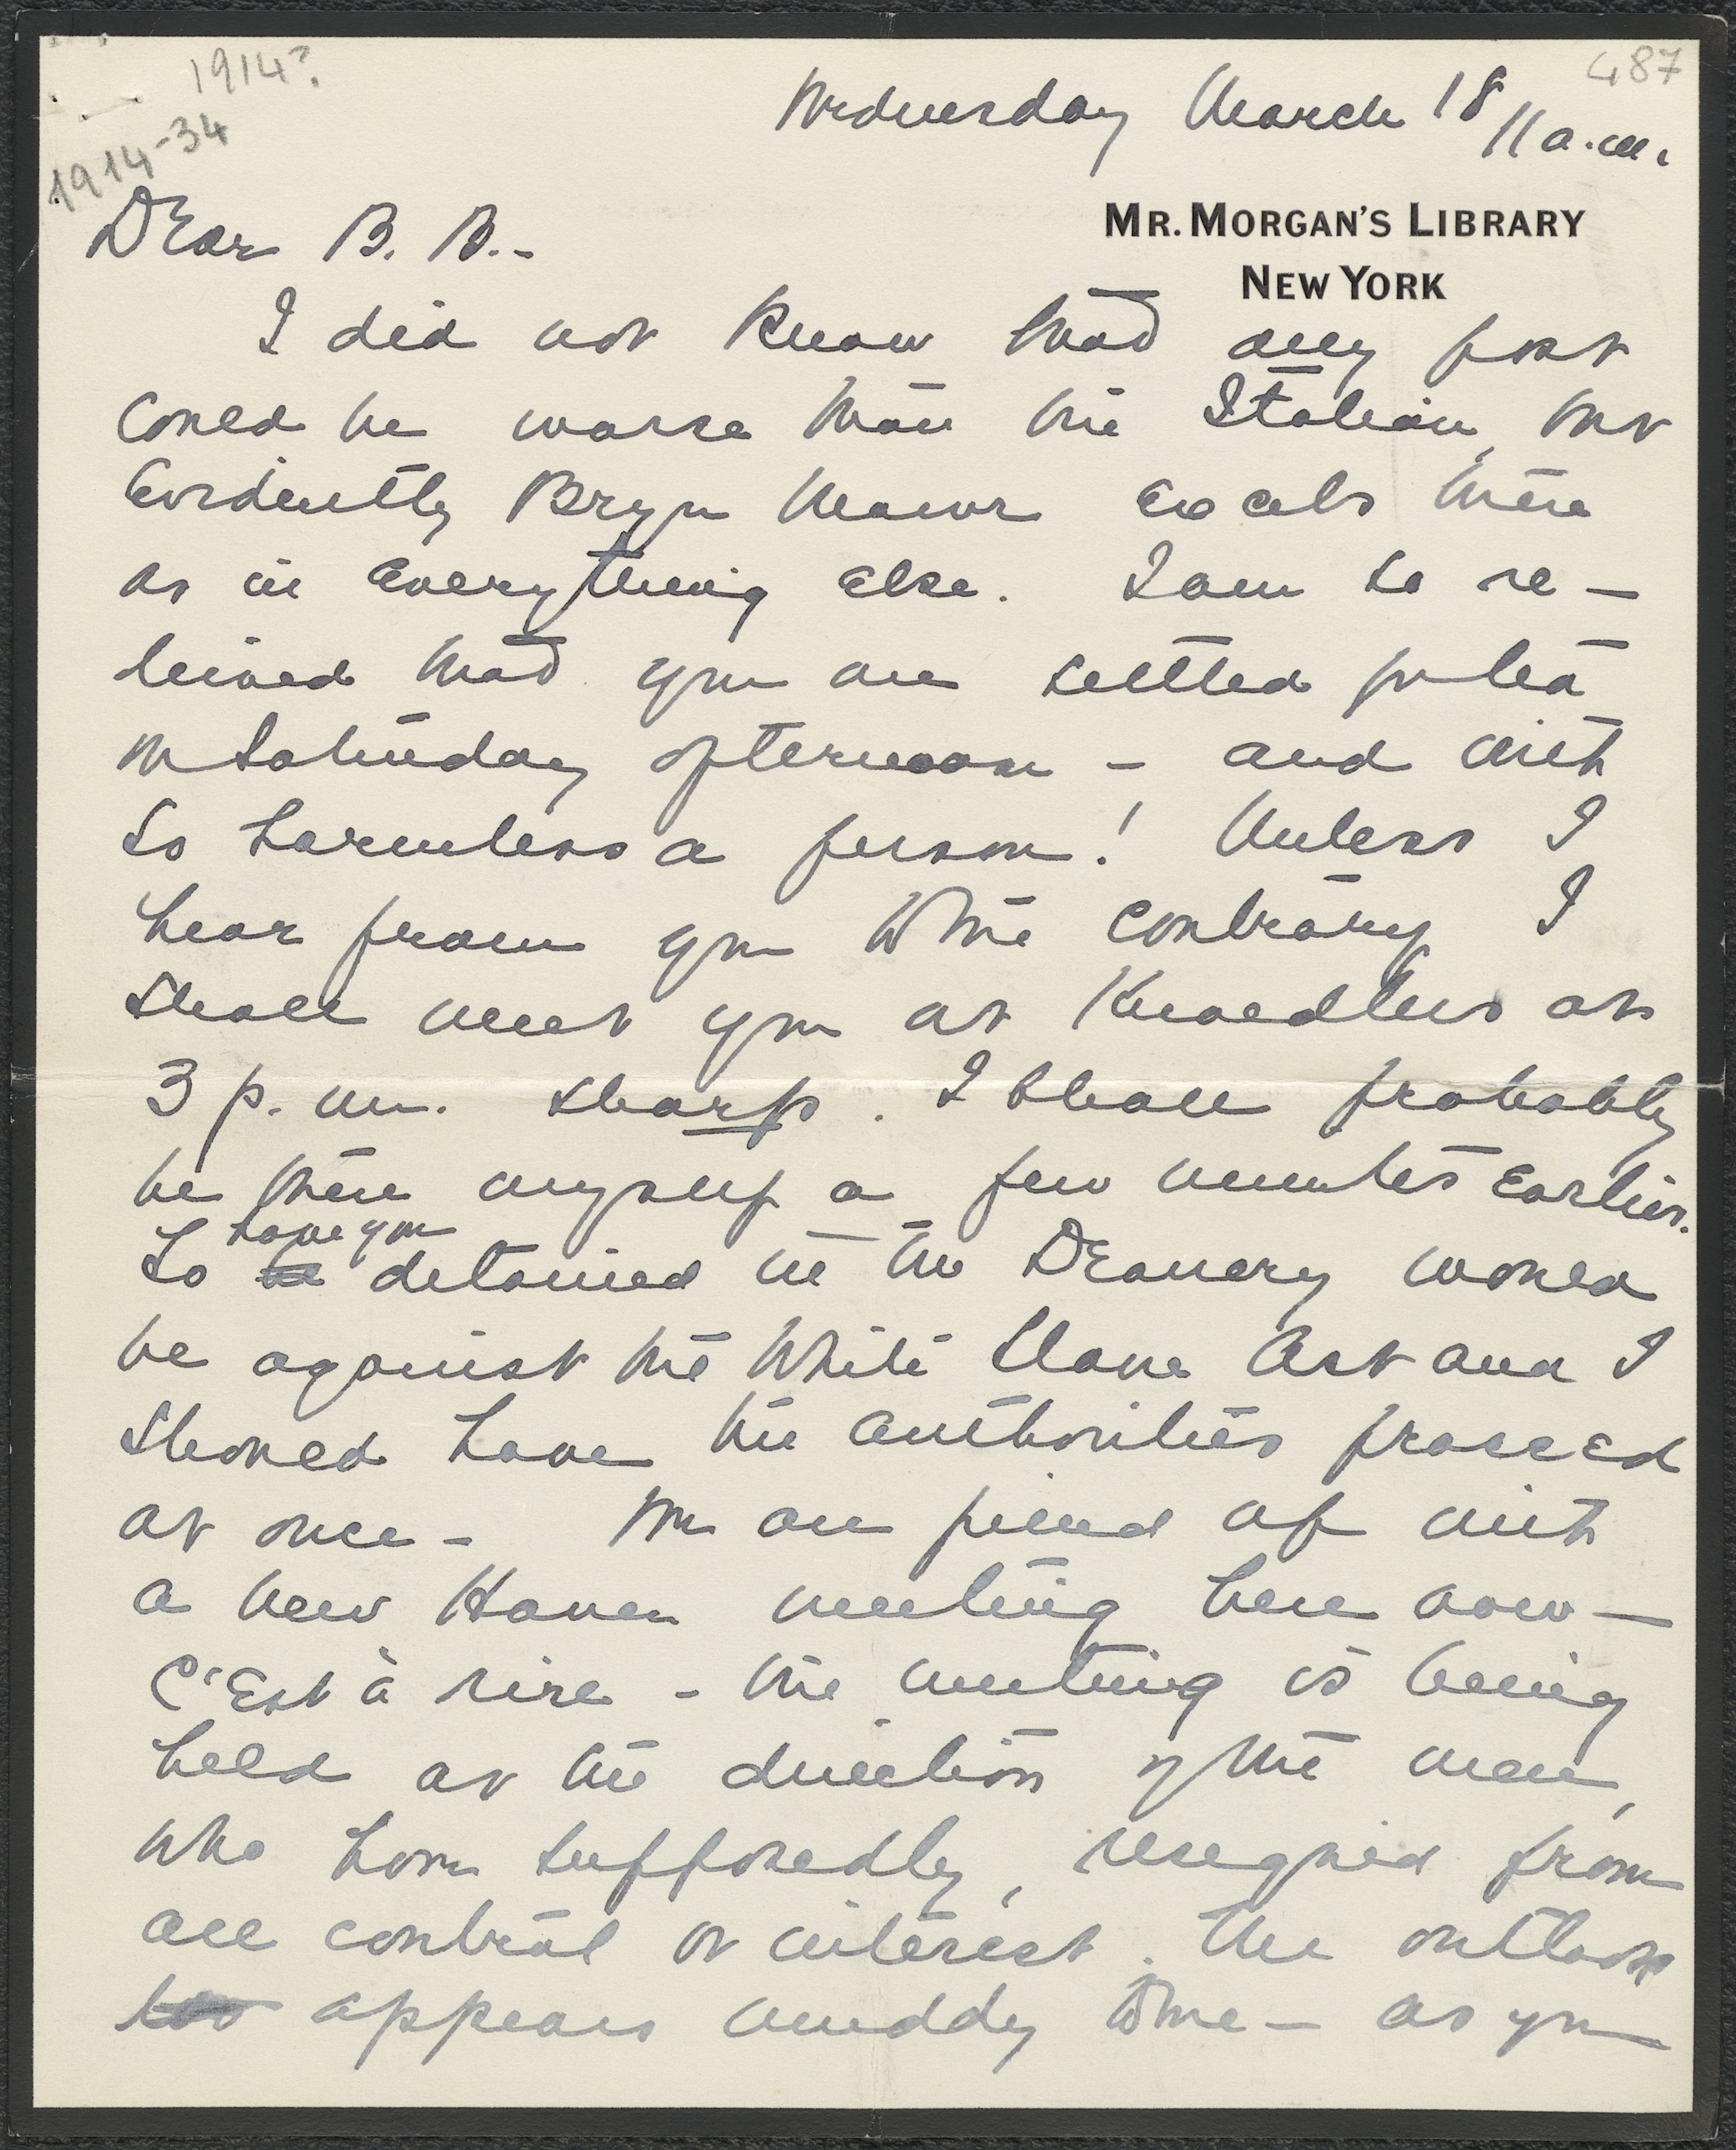Wednesday March 18 11a.m.
Dear B.B. –
I did not know that any post could be worse than the Italian but evidently Bryn Mawr excels there as in everything else. I am so relieved that you are settled for tea on Saturday afternoon – and with so harmless a person! Unless I hear from you to the contrary I shall meet you at Knoedlers at 3 p.m. sharp. I shall probably be there myself a few minutes earlier. To be [^have you^] detained in the Deanery would be against the White Slave Act and I should have the authorities proceed at once – we are filled up with a New Haven meeting here now – c’est à rire – the meeting is being held at the direction of the men, who have supposedly resigned from all control or interest. The outlook too appears muddy to me – as you